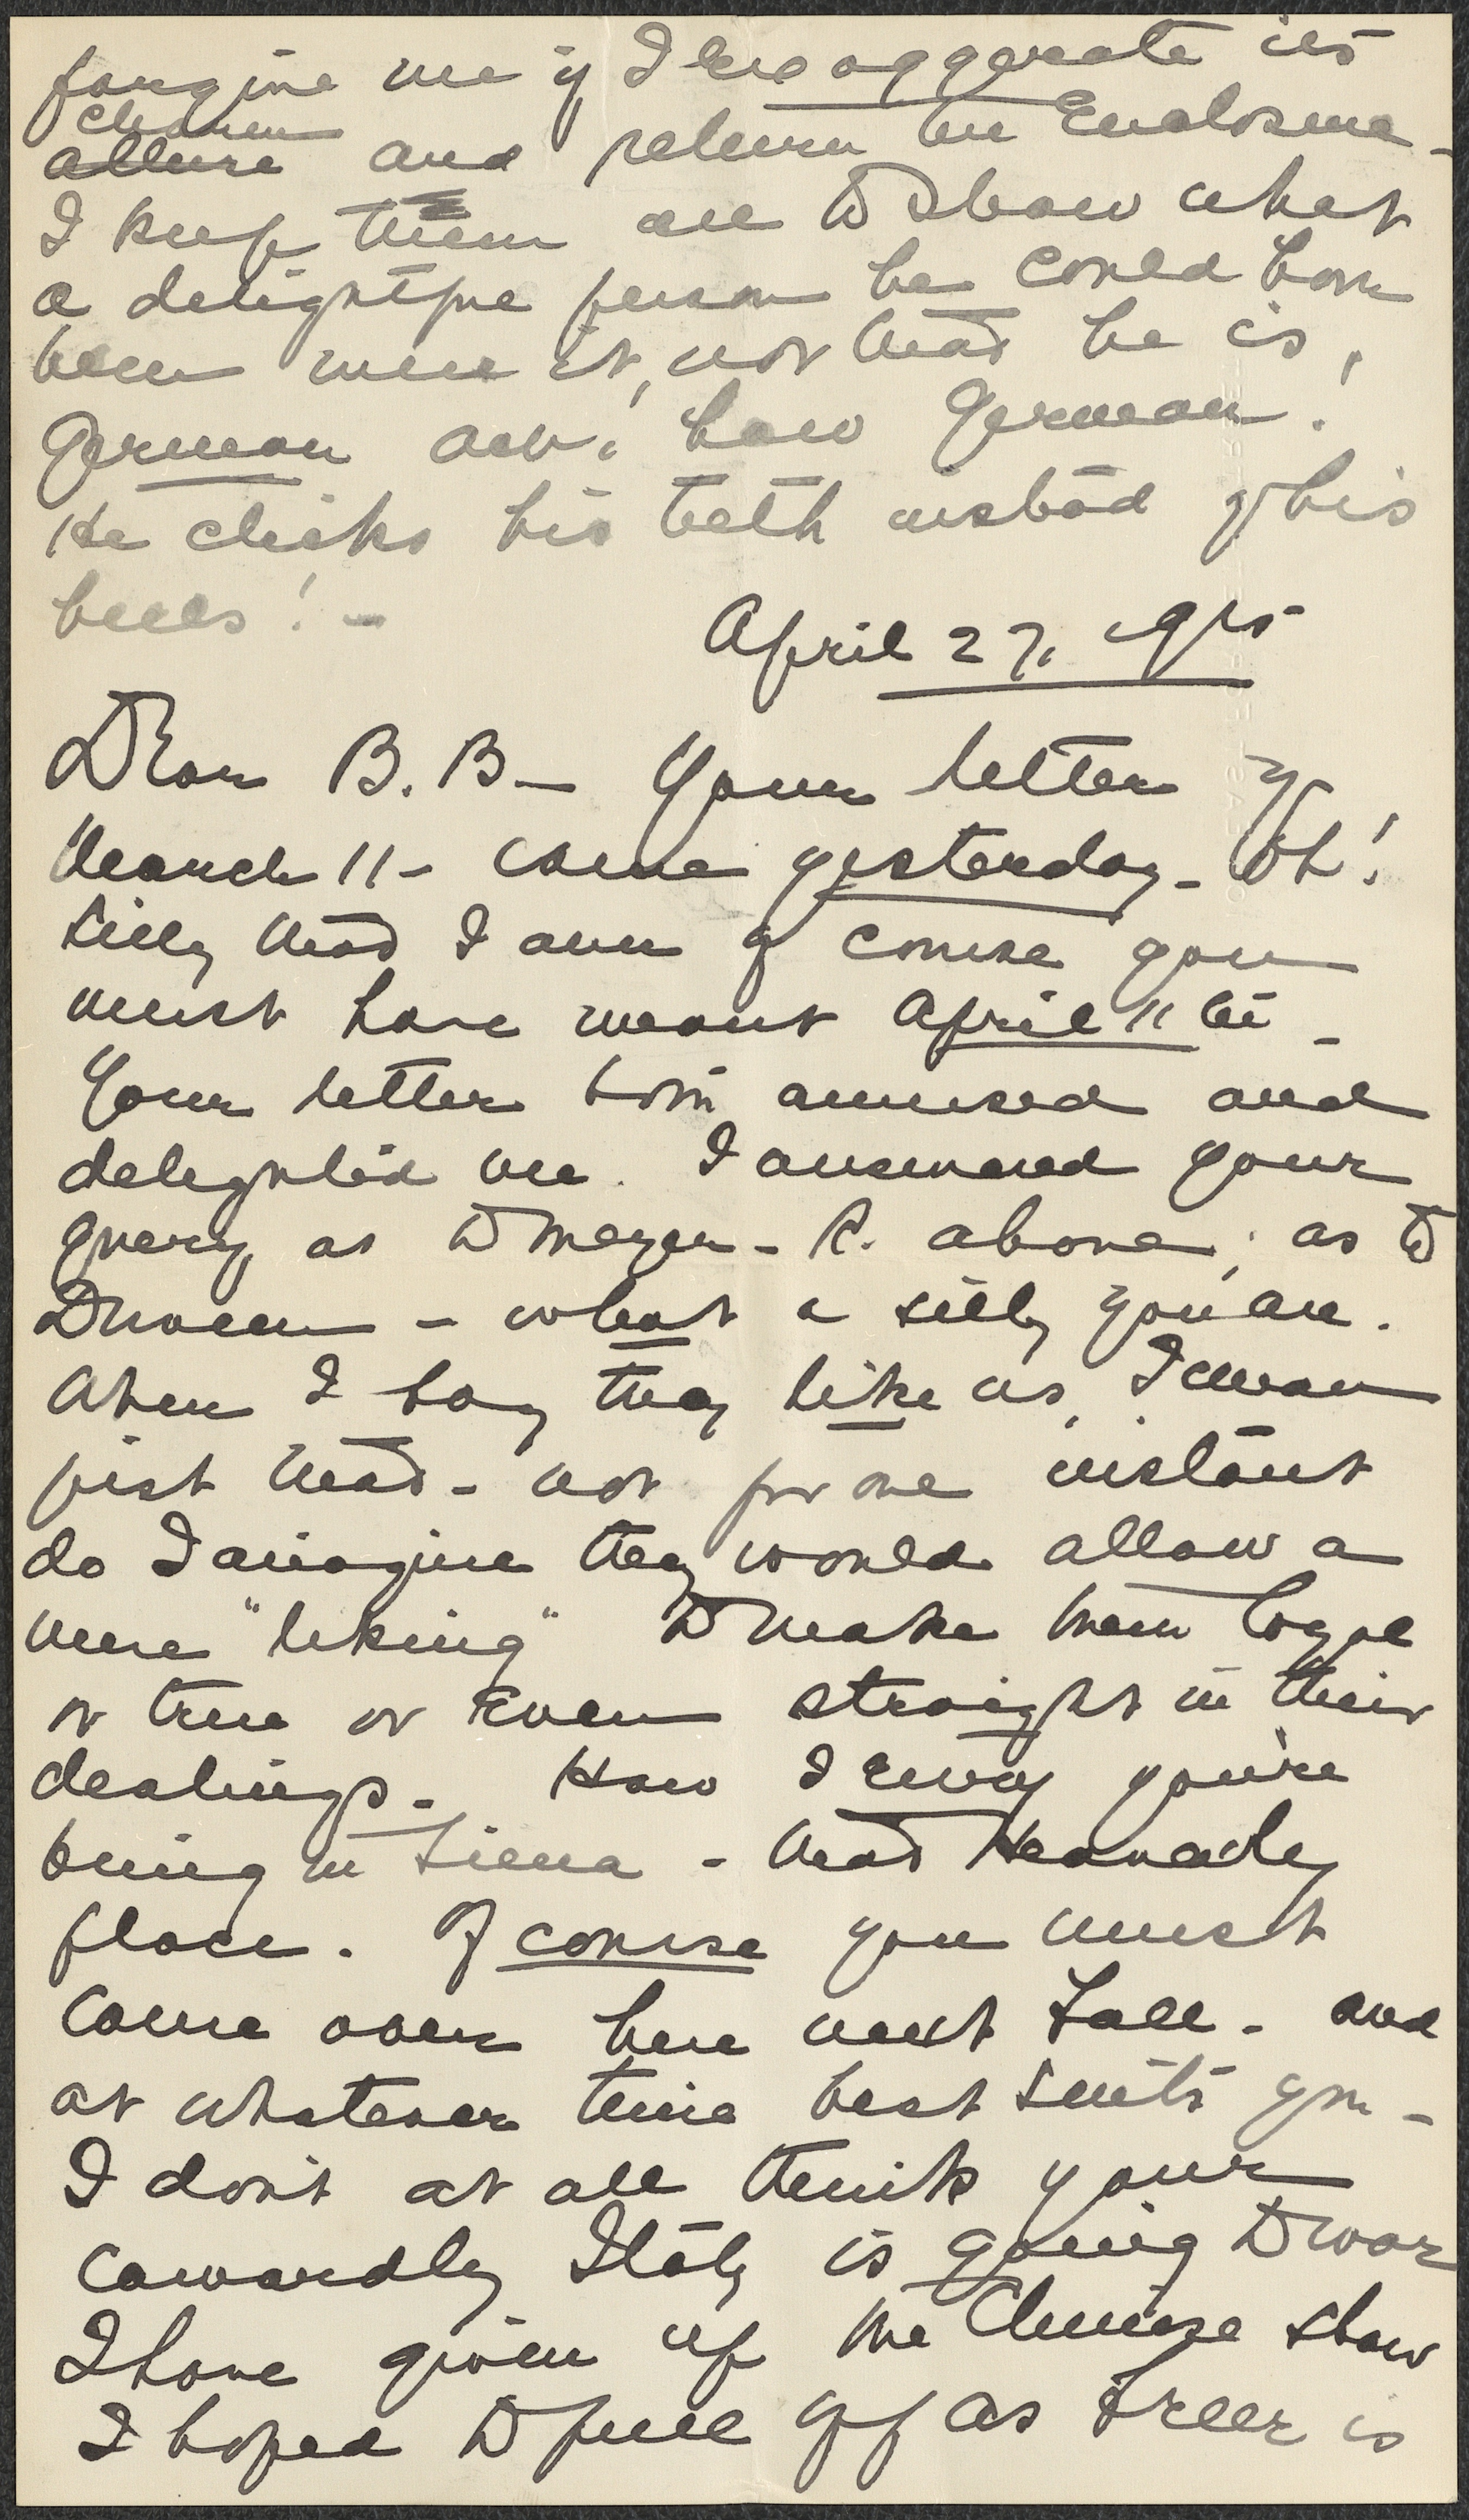forgive me if I exaggerate its allure charm and return the enclosure – I keep them all to show what a delightful person he could have been were it, not that he is, German ach! how German! He clicks his teeth instead of his heels! –
April 27, 1915
Dear B. B – Your letter of March 11 – came yesterday – oh! silly that I am of course you must have meant April 11 – Your letter both amused and delighted me. I answered your query as to Meyer-R. above, as to Duveen – what a silly you are. When I say they like us I mean just that – not for one instant do I imagine they would allow a mere “liking” to make them loyal or true or even straight in their dealings. How I envy your being in Siena – that Heavenly place. Of course you must come over here next fall – and whatever twice best suits you – I don’t at all think your cowardly Italy is going to war I have given up the Chinese show I hoped to pull off as Freer is